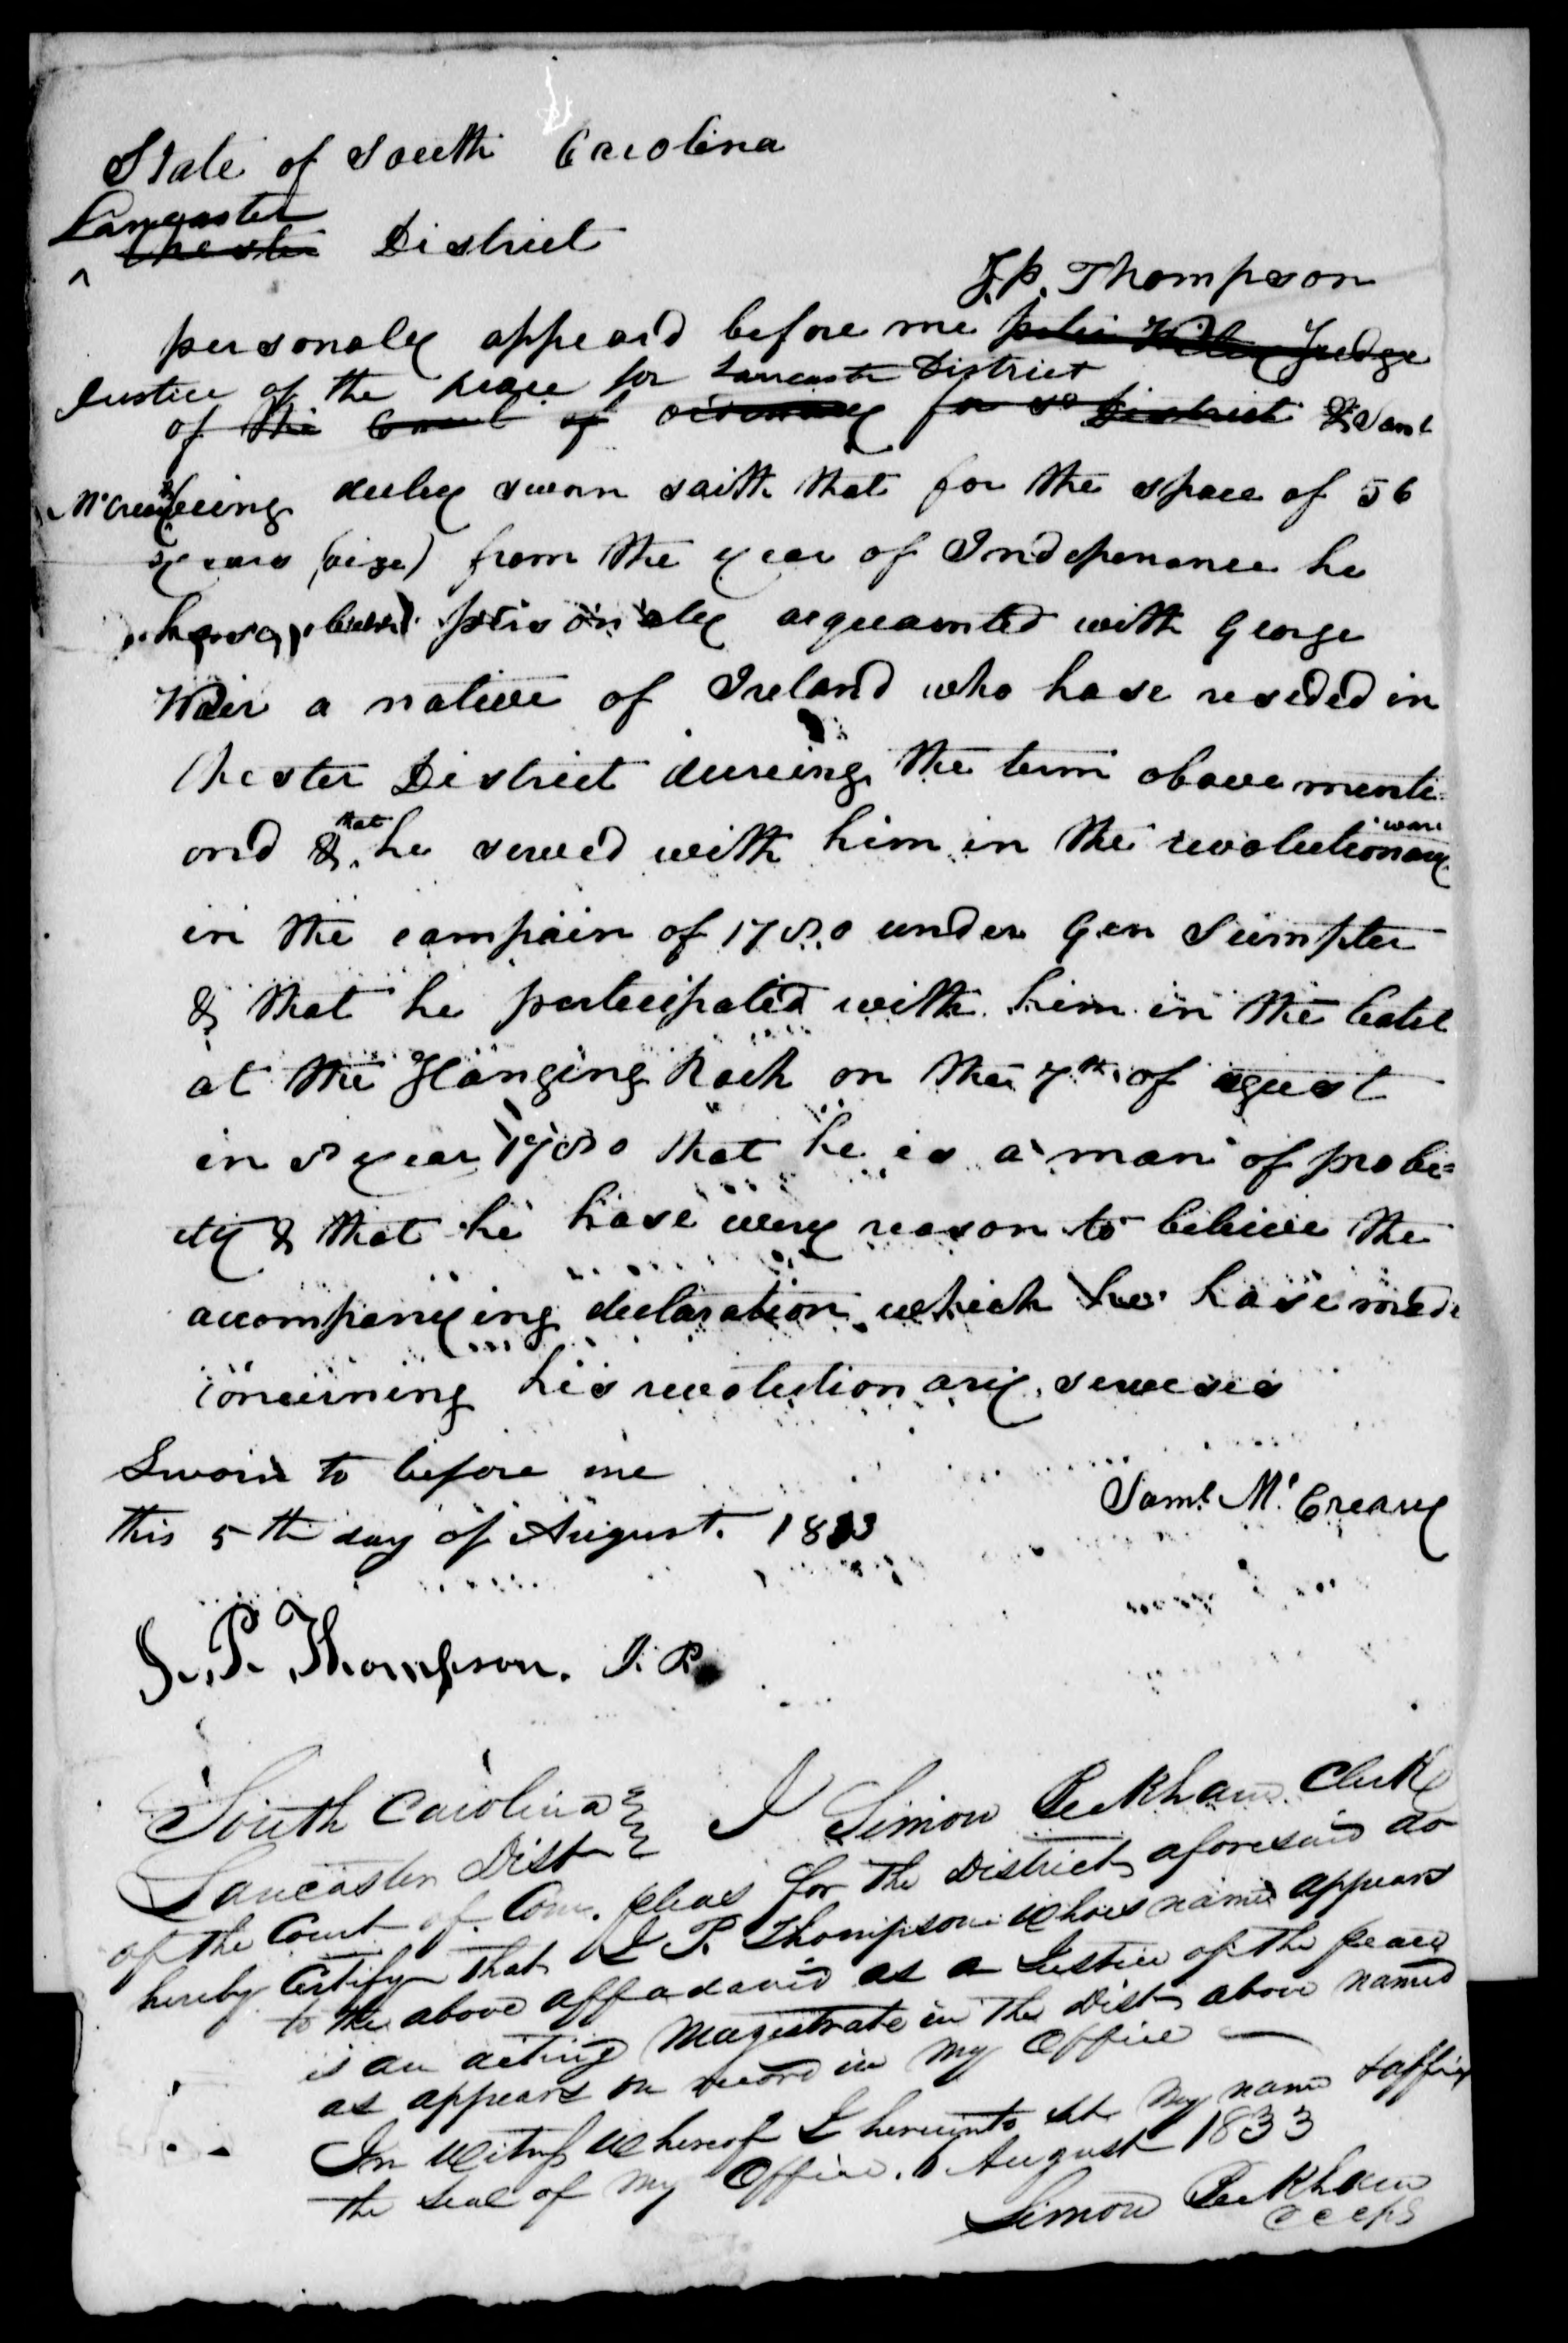State of South Carolina
Lancaster District

personally appeared before me Judge J. P. Thompson Justice of the peace for Lancaster District Sam'l McCreary being duly sworn saith that for the space of 56 years from the year of Independence he has been husband personally acquainted with George Wier a native of Ireland who have resided in Chester District during the term above mentioned and he served with him in the revolutionary war in the campaign of 1780 under Gen Sumpter & that he participated with him in the battle at the Hanging Rock on the 7th of August in year 1780 that he is a man of probity &  that he have every reason to believe the accompanying declaration which he have made concerning his revolutionary service
[signed] Saml McCreary

Sworn to before me this 5th day of August 1833 
J.. P. Thompson.

South Carolina
Lancaster Dist
I Simon Peckham Clerk of the Court of as for the District aforesaid do hereby certify that J. T. Thompson whose name appears to the above affidavit as a justice of the peace is an acting Magistrate in the Dist above named as appears on record in my office

In Witness whereof I hereunto set my name & affix the seal of my Office August 1833
Simon Peckham C C C L D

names: George Wier, Simon Beckham, Sumpter, Saml Mc Creary, J P Thompson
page: 15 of 22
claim: survivor's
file: S. 9528, George Weir, S.C.